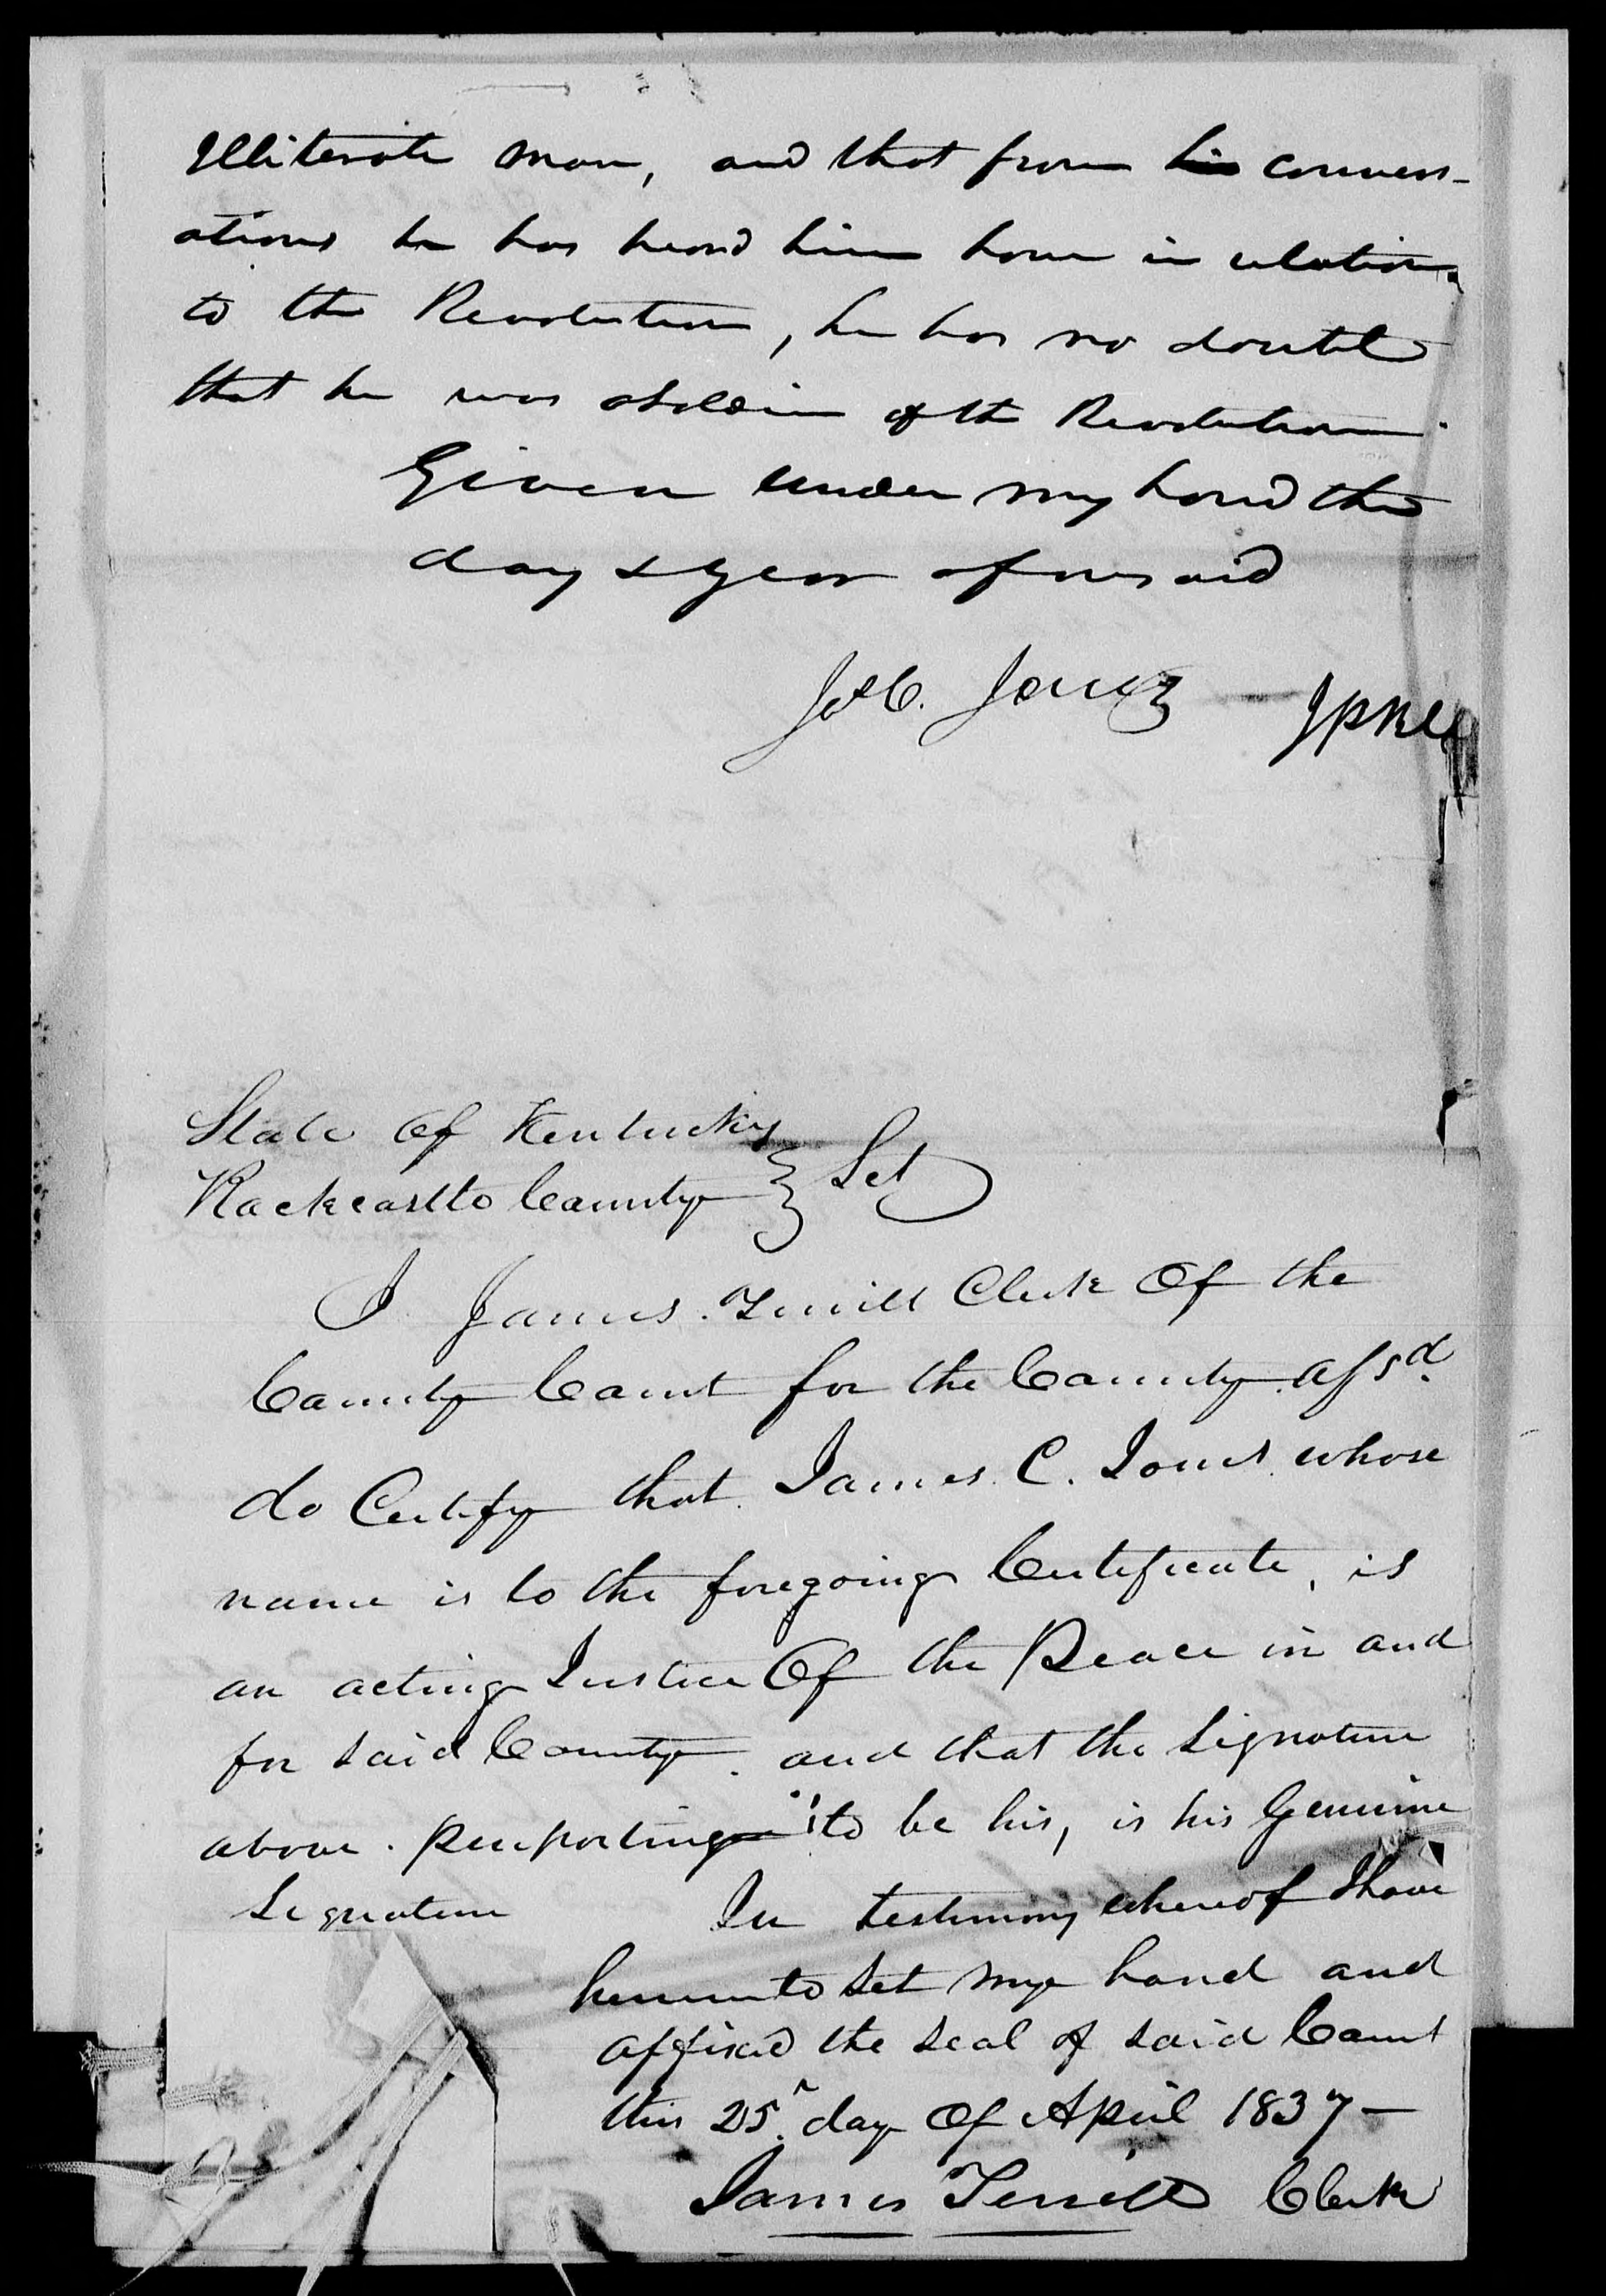Illiterate man, and that from conversations he has heard him have in relation to the Revolution, he has no doubt that he was soldier of the Revolution
Given under my hand the
day & year afsd
Jas C. Jones JP

State of Kentucky
Rockcastle County
I James Terrill Clerk of the
County Court for the County afsd
do Certify that James  C. Jones whose name is to the foregoing Certificate is an acting Justice of the peace in and for said County
and that the signature above purporting to be his is his genuine
Signature
In testimony whereof have
hereunto set my hand and
affixed the seal of said Court
this 25th day of April 1837
James Terrill Clerk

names: Jas C Jones; James C Jones; James Terrill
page: 35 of 43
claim: rejected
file: R. 8217, for Thomas Philpot, South Carolina